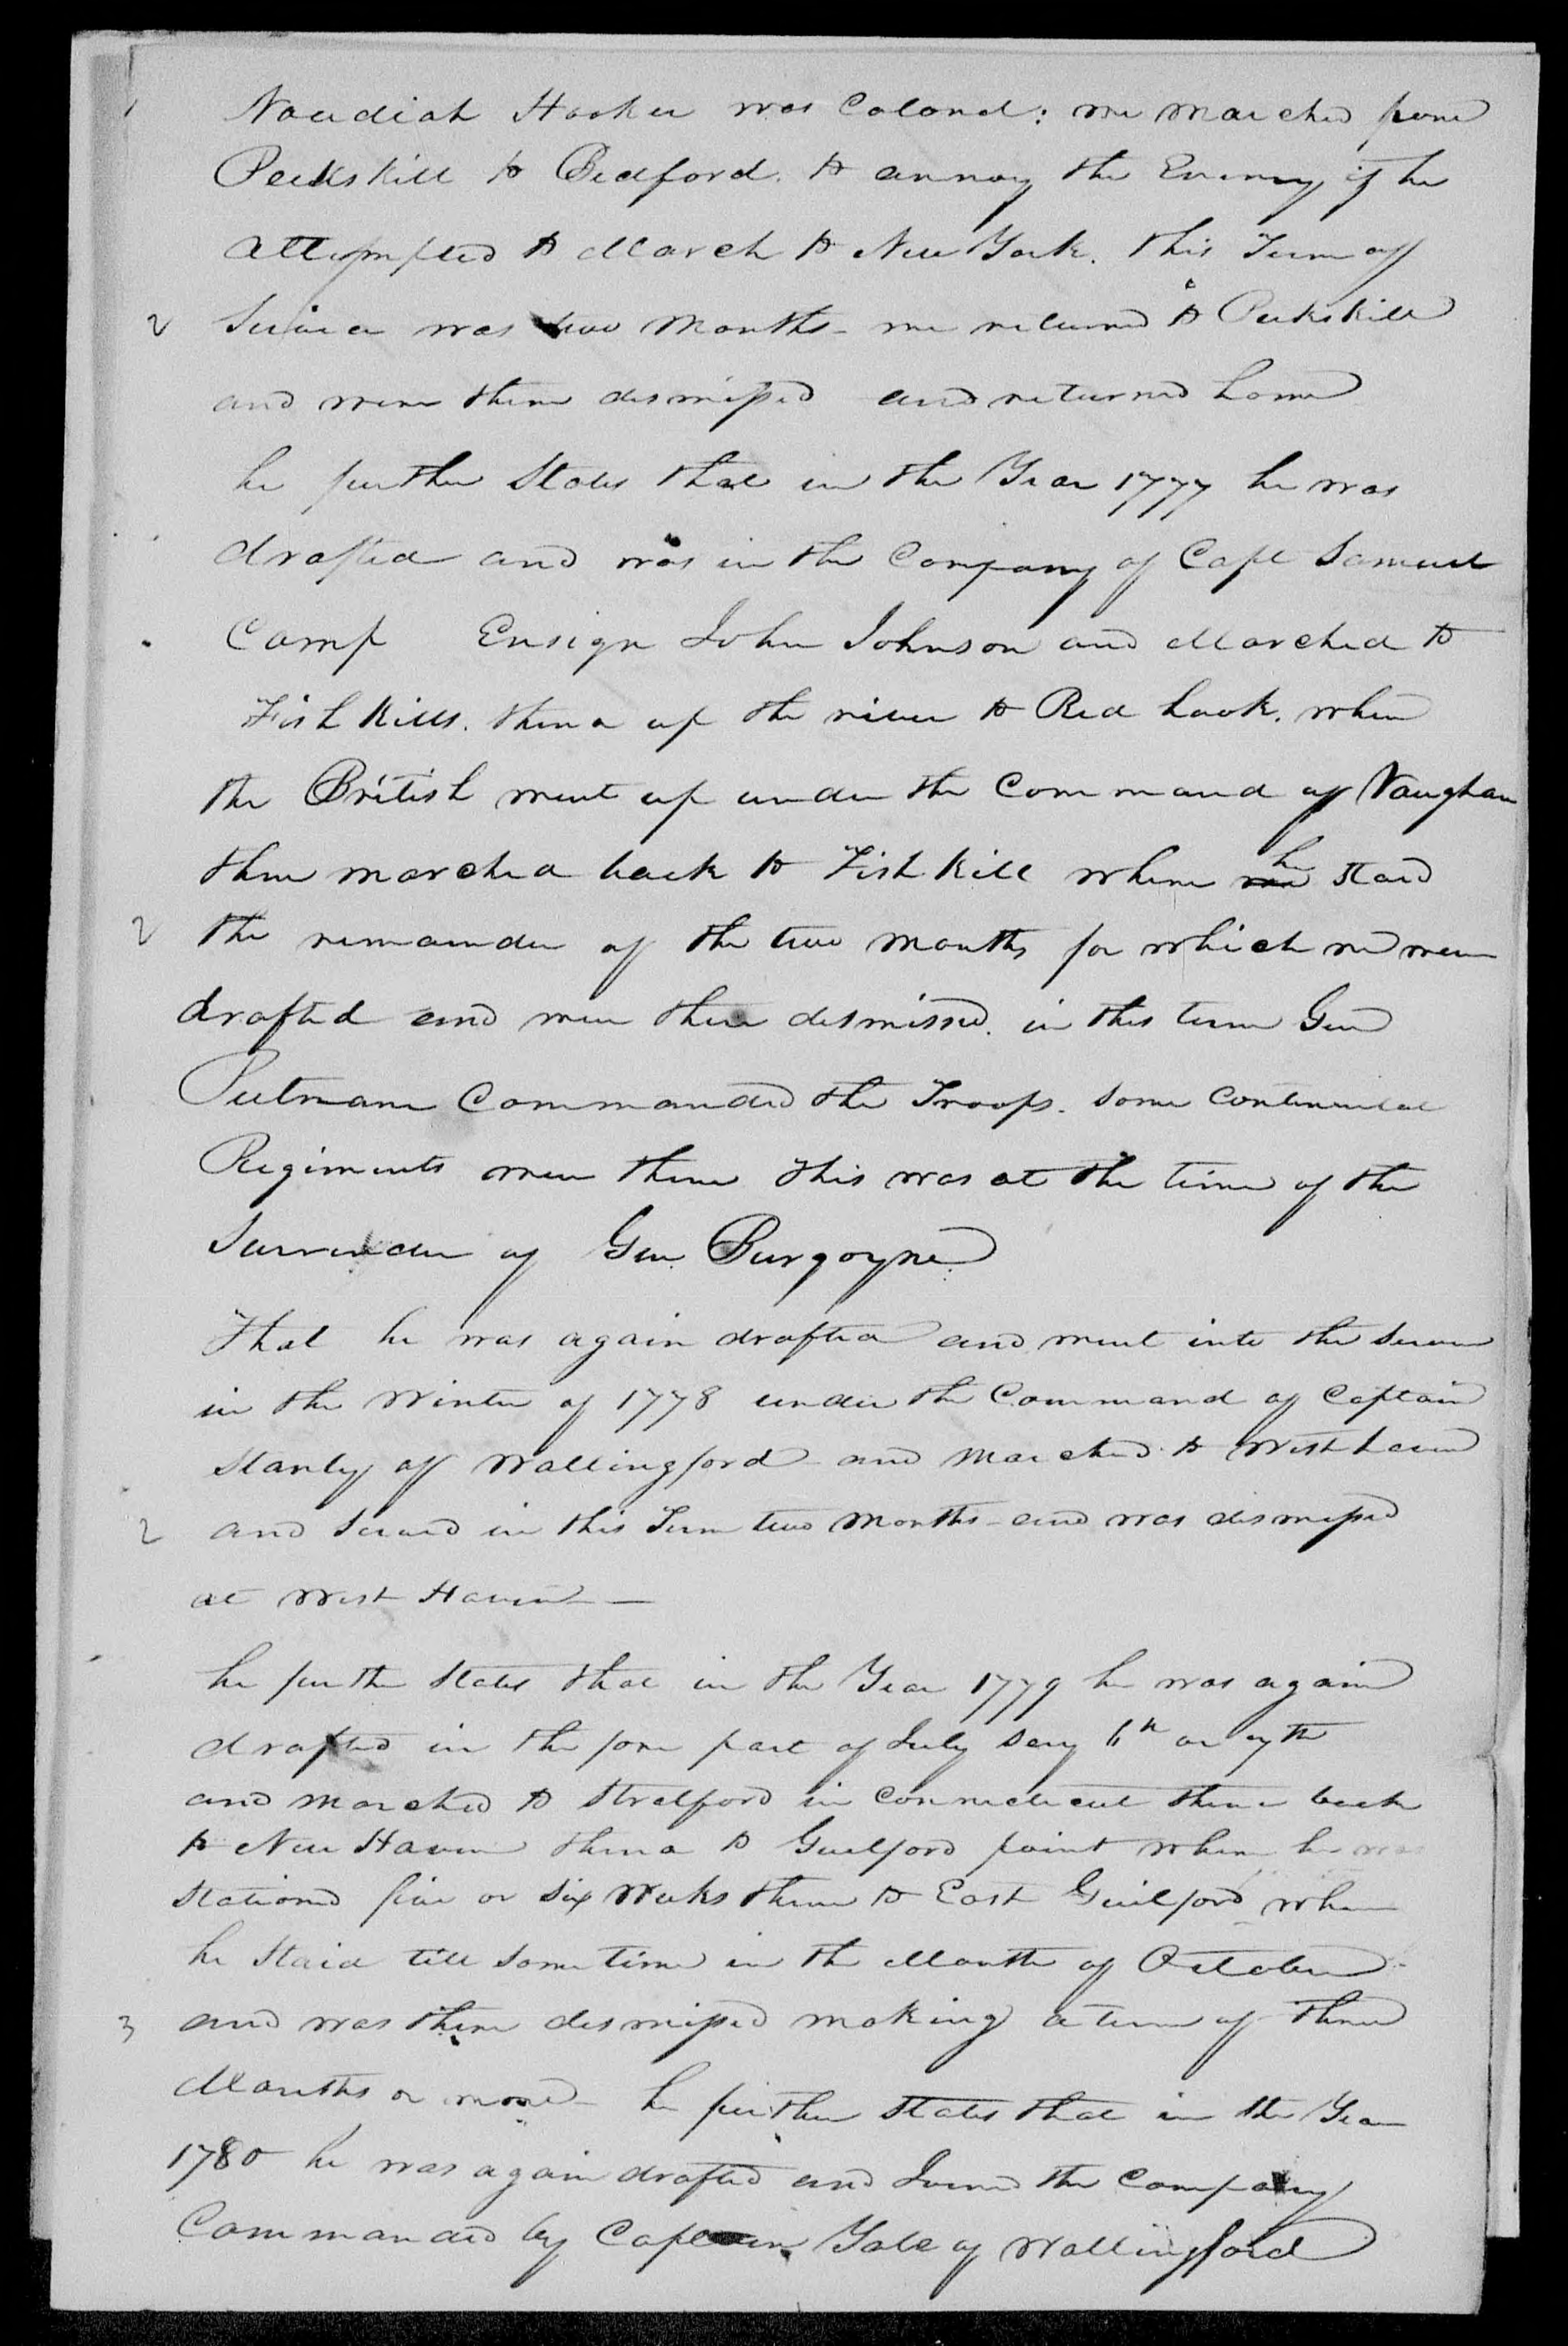and marched to Stratford in Connecticut and was stationed there for two months guarding the sea coast and was disimiped. [illegible]
He further states that he was again drafter in the year 1781 and marched to Stratford in Connecticut and continued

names: Putnam, Yale, John Johnson, Burgoyne, Stanly, Noudiah Hooker, Samuel Camp, Vaughan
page: 5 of 76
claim: widow's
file: W. 5,250, Timothy Coe, Conn.